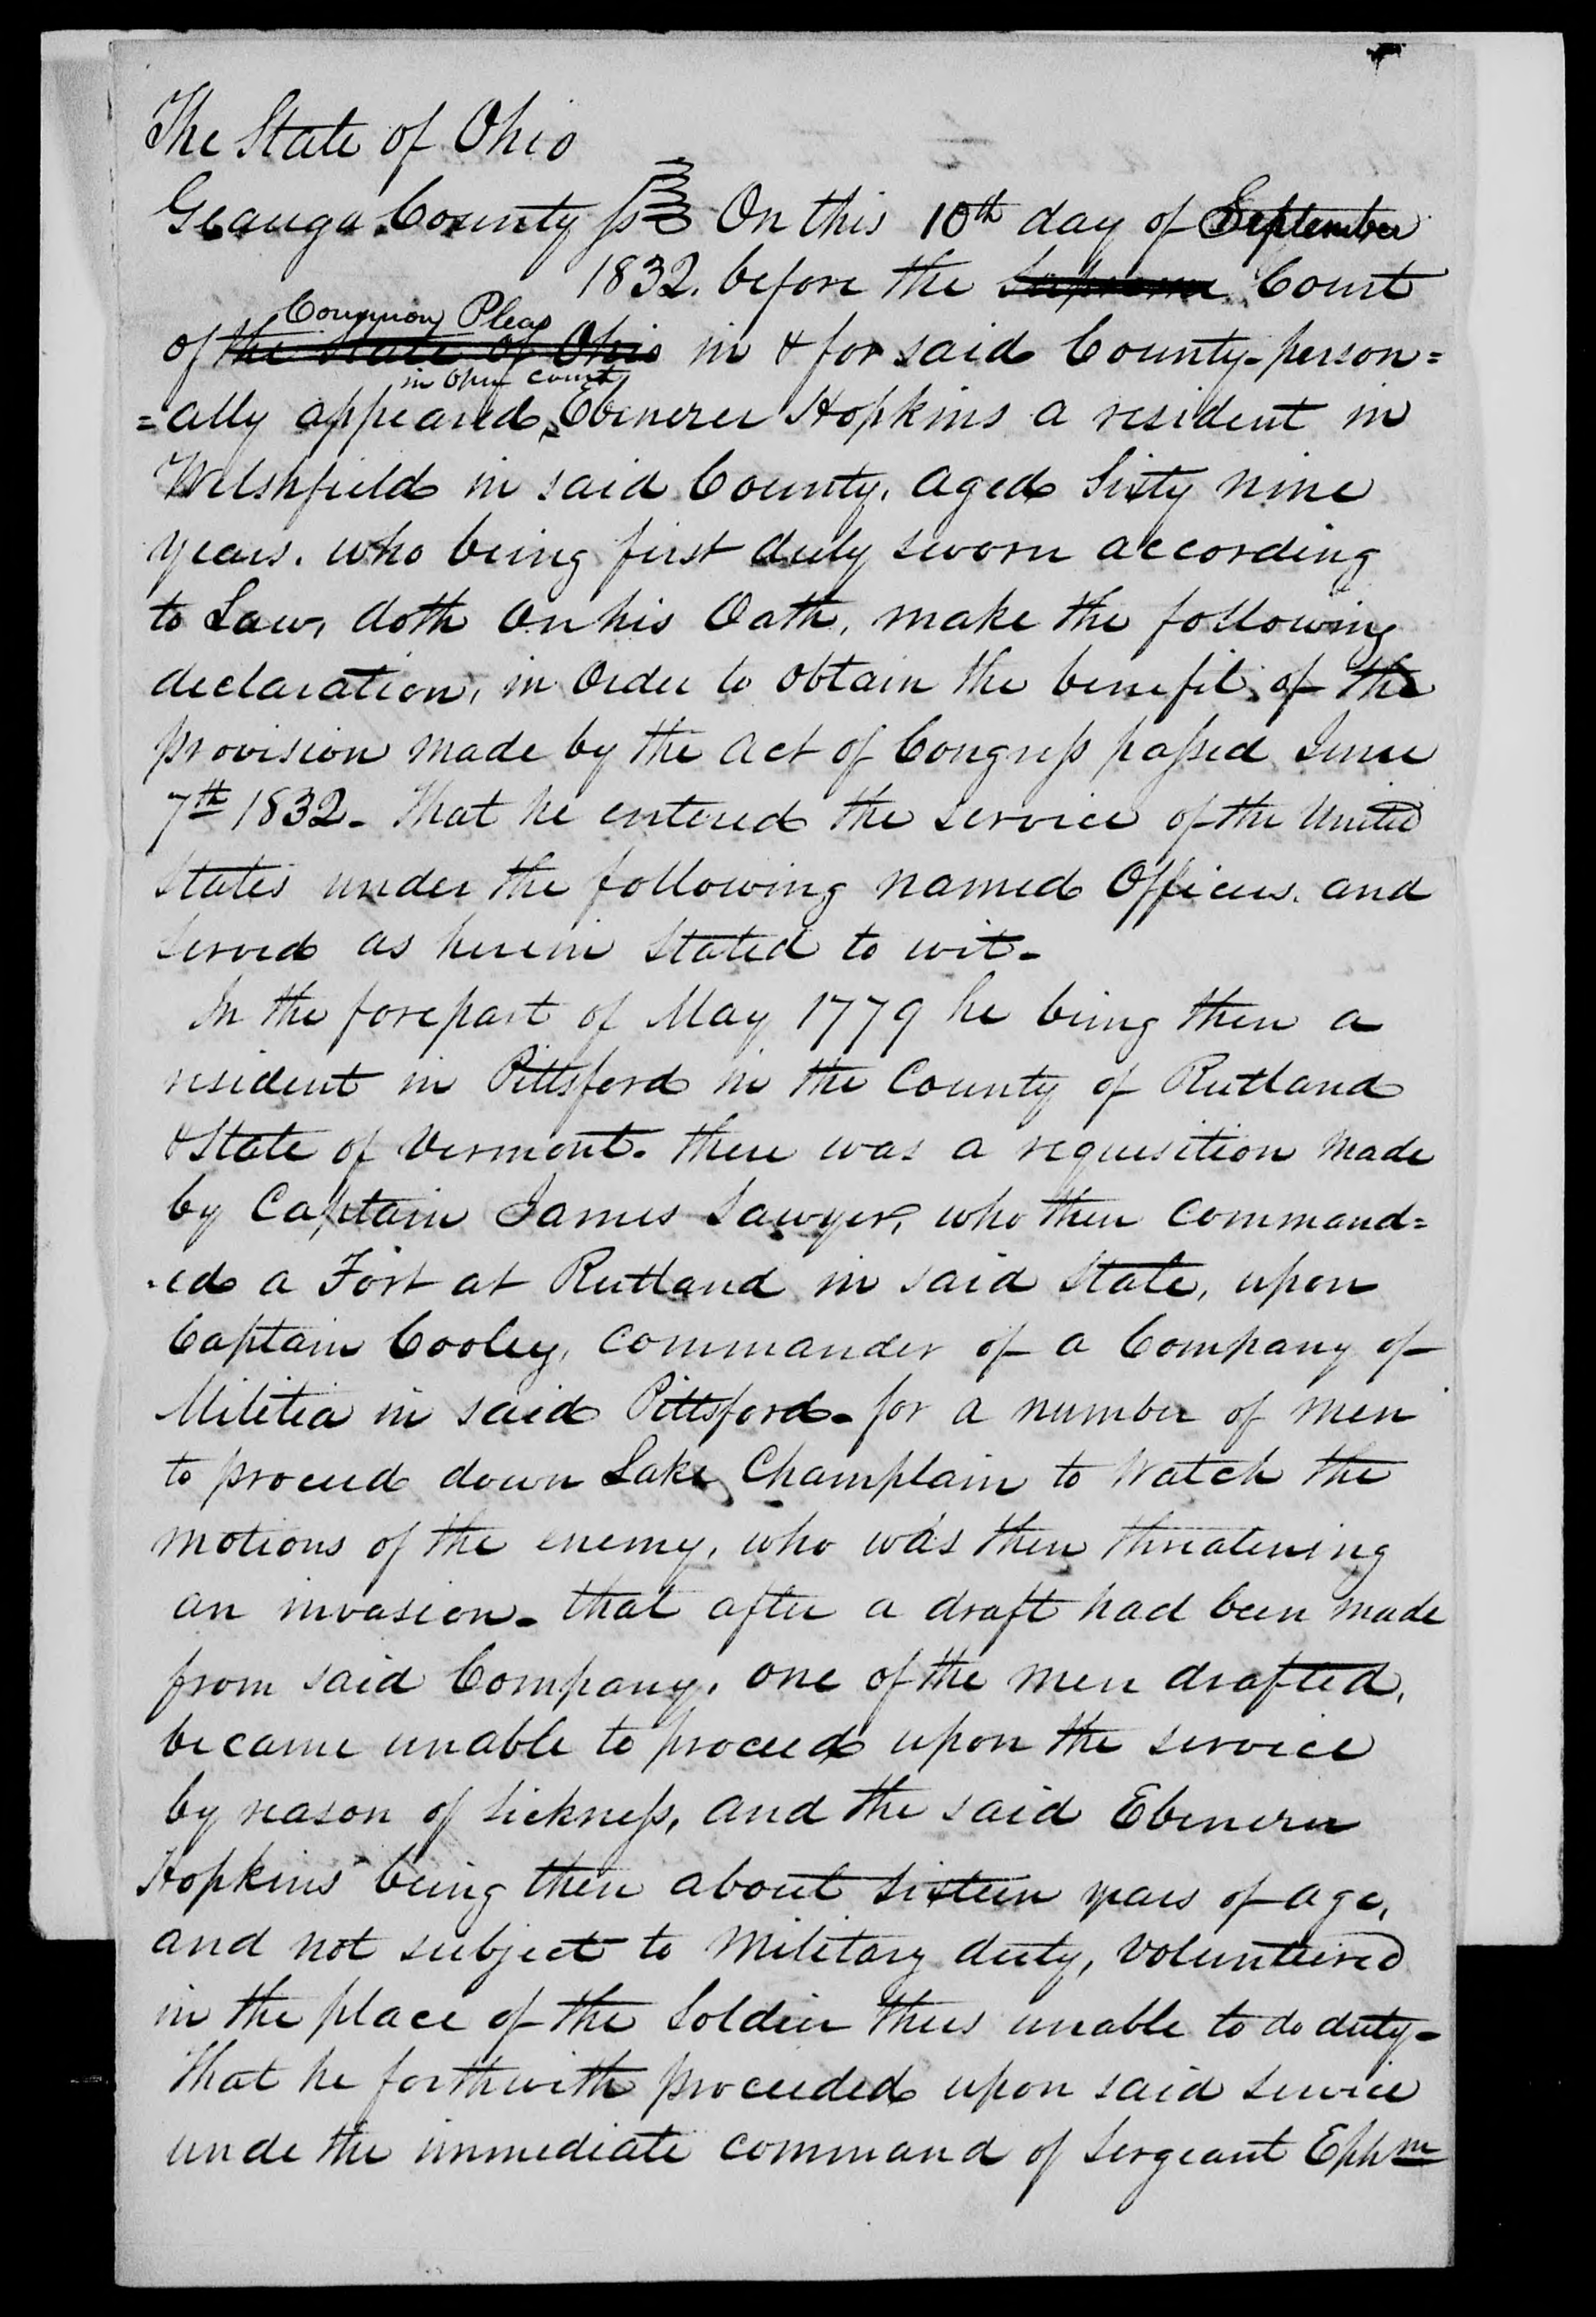The State of Ohio
Geauga County ss }  On this 10th day of September 1832, before the Court of common pleas in open court in & for said County personally appeared Ebenezer Hopkins a resident in Welshfield in said County, aged Sixty nine years, who being first duly sworn according to Law, doth on his oath, make the following declaration, in order to obtain the benefit of the provision made by the act of Congress passed June 7th 1832. That he entered the service of the United States under the following named officers, and served as herein stated to wit - 
In the forepart of May 1779 he being then a resident in Pittsford in the County of Rutland State of Vermont, there was a requisition made by Captain James Lawyer, who then command ed a Fort at Rutland in said State, upon Captain Cooley, commander of a Company of Militia in said Pittsford. for a number of men to proceed down Lake Champlain to watch the motions of the enemy, who was then threatening an invasion, that after a draft had been made from said Company, one of the men drafted, became unable to proceed upon the service by reason of sickness, and the said Ebenezer Hopkins being then about sixteen years of age, and not subject to Military duty, Volunteered in the place of the Soldier thus unable to do duty that he forthwith proceeded upon said service under the immediate command of Sergeant Ephm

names: Cooley, Ephm, Ebenezer Hopkins, James Sawyer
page: 67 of 144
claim: rejected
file: R. 5208, Dennis Hopkins, N.C.